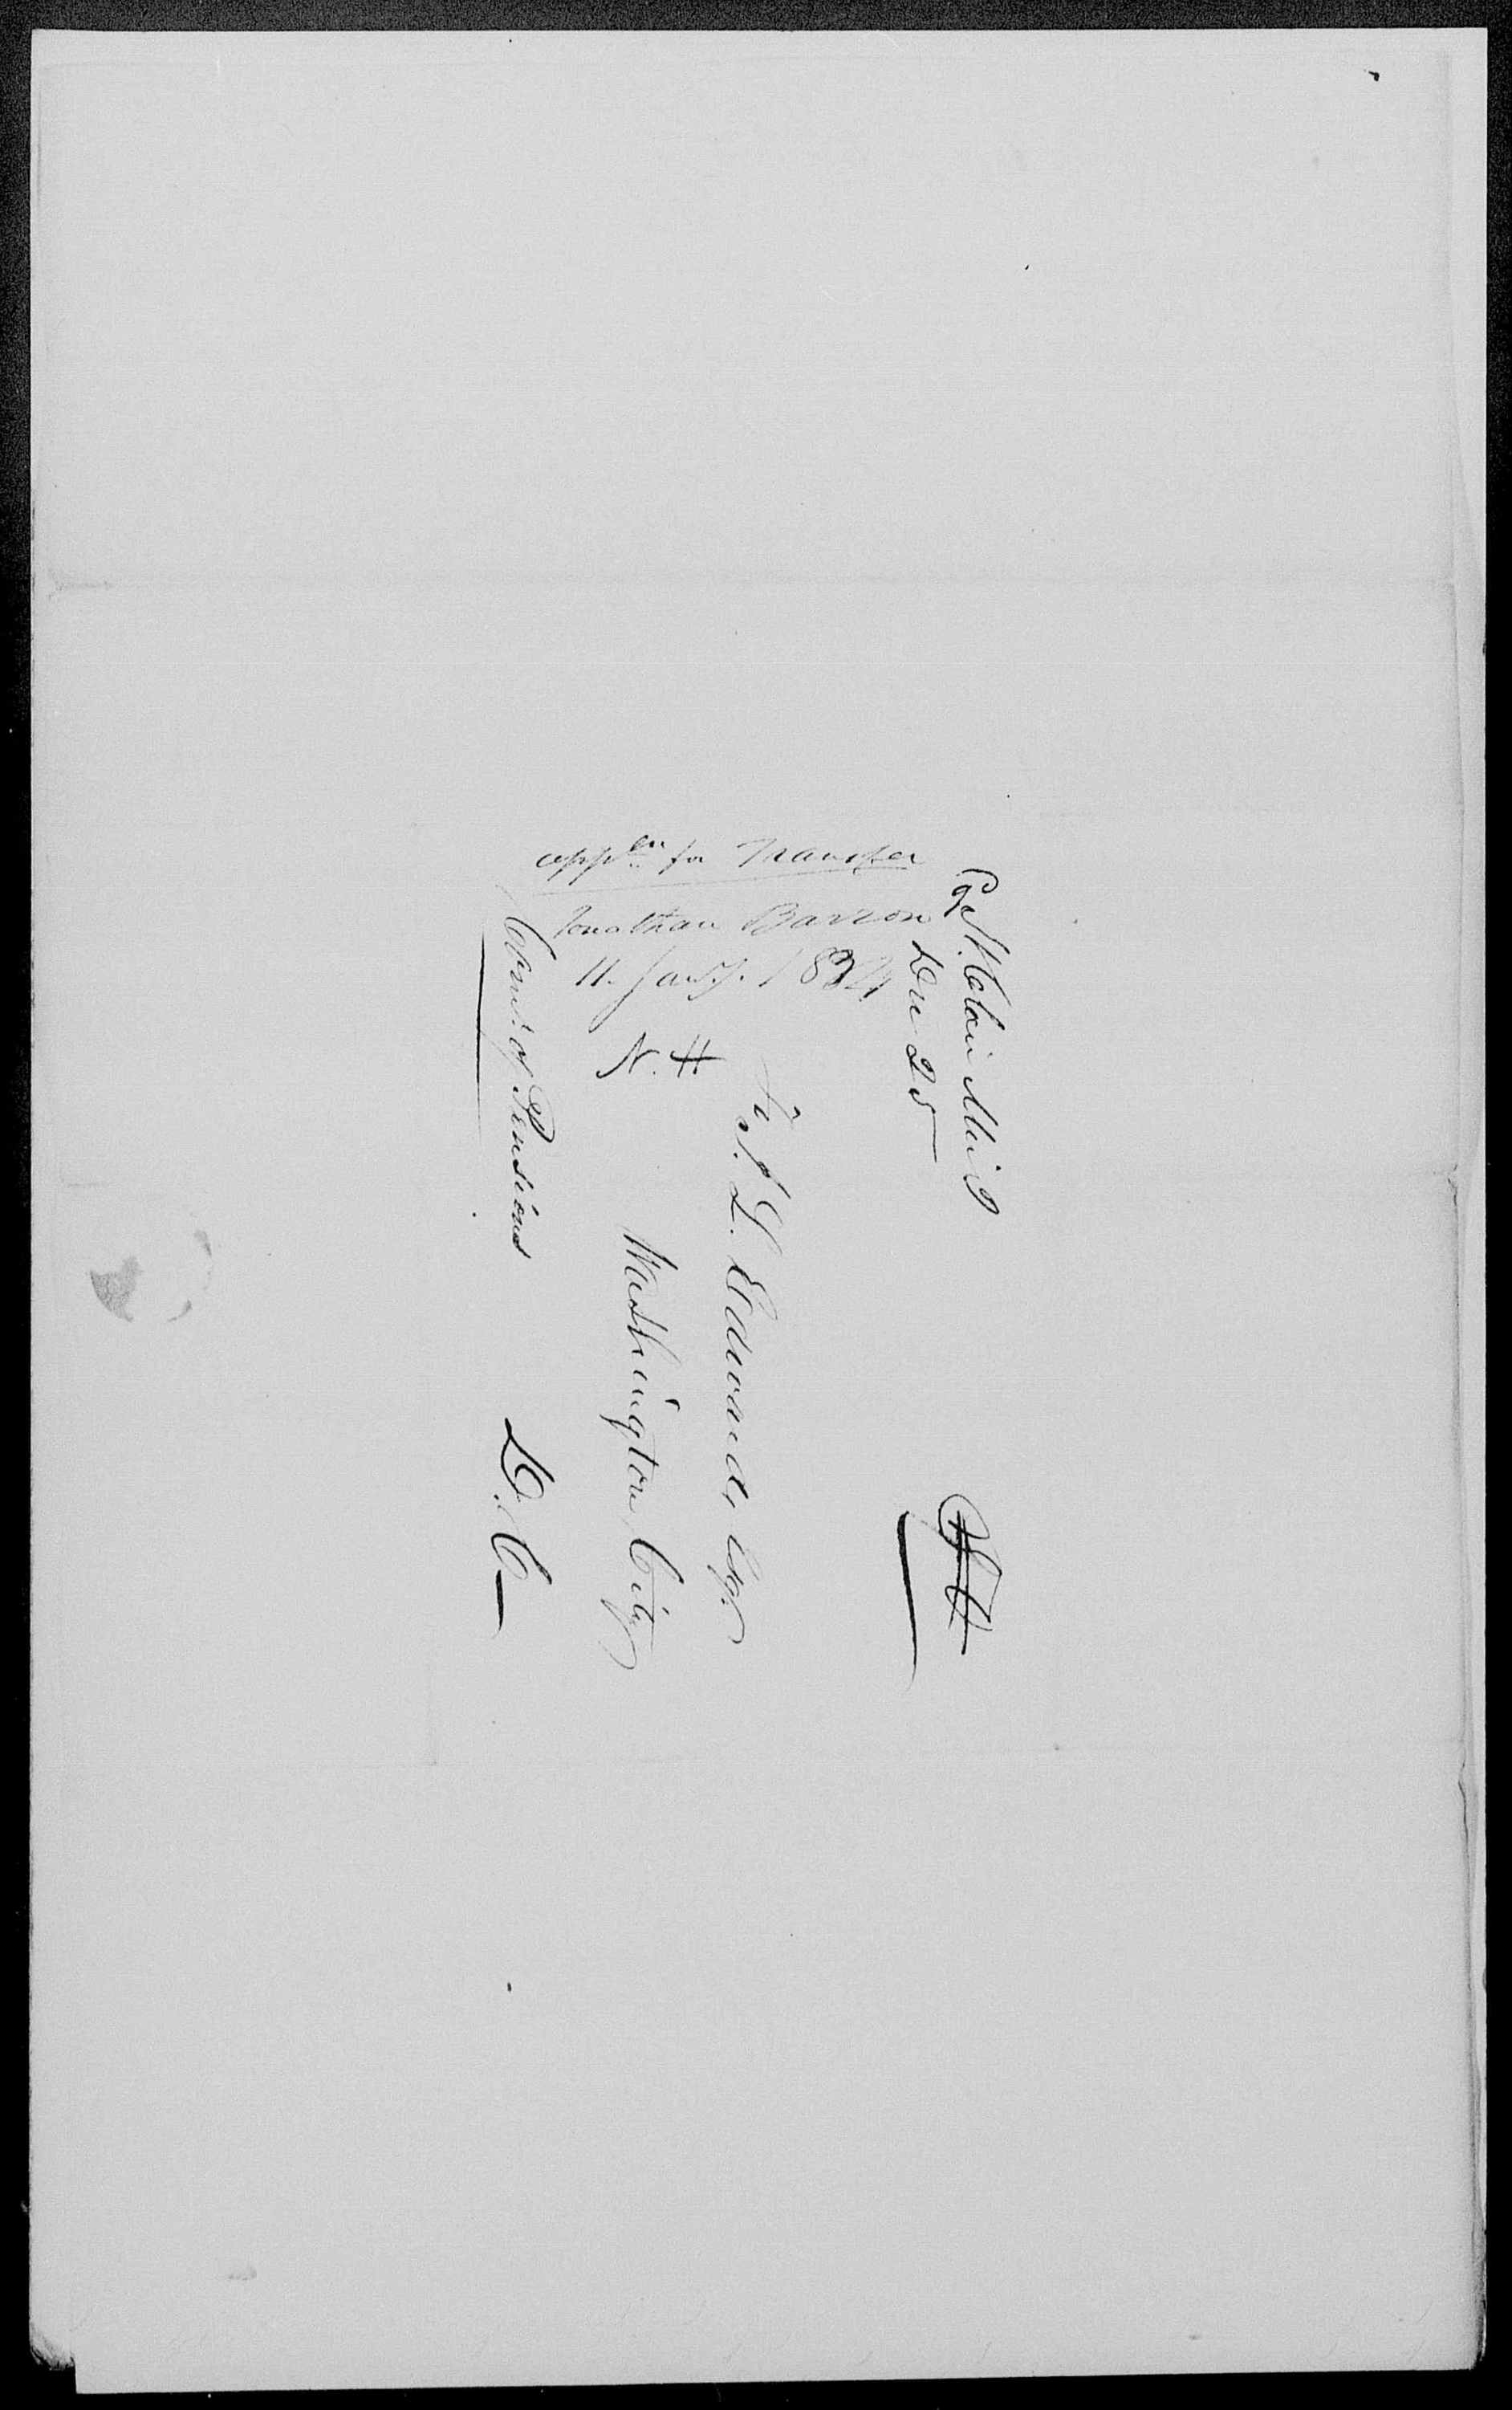[addressed envelope]
St. Clair Mich
Dec 25 ['20' crossed out]
[margin notes: appl'n for Transfer Jonathan Barron 11. Jan'y 1834]
To J. L. Edwards Esq
Washington City D.C.
Com'r of Pensions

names: J L Edwards, Jonathan Barron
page: 20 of 25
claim: survivor's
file: S. 28986, Jonathan Barron, N.H.